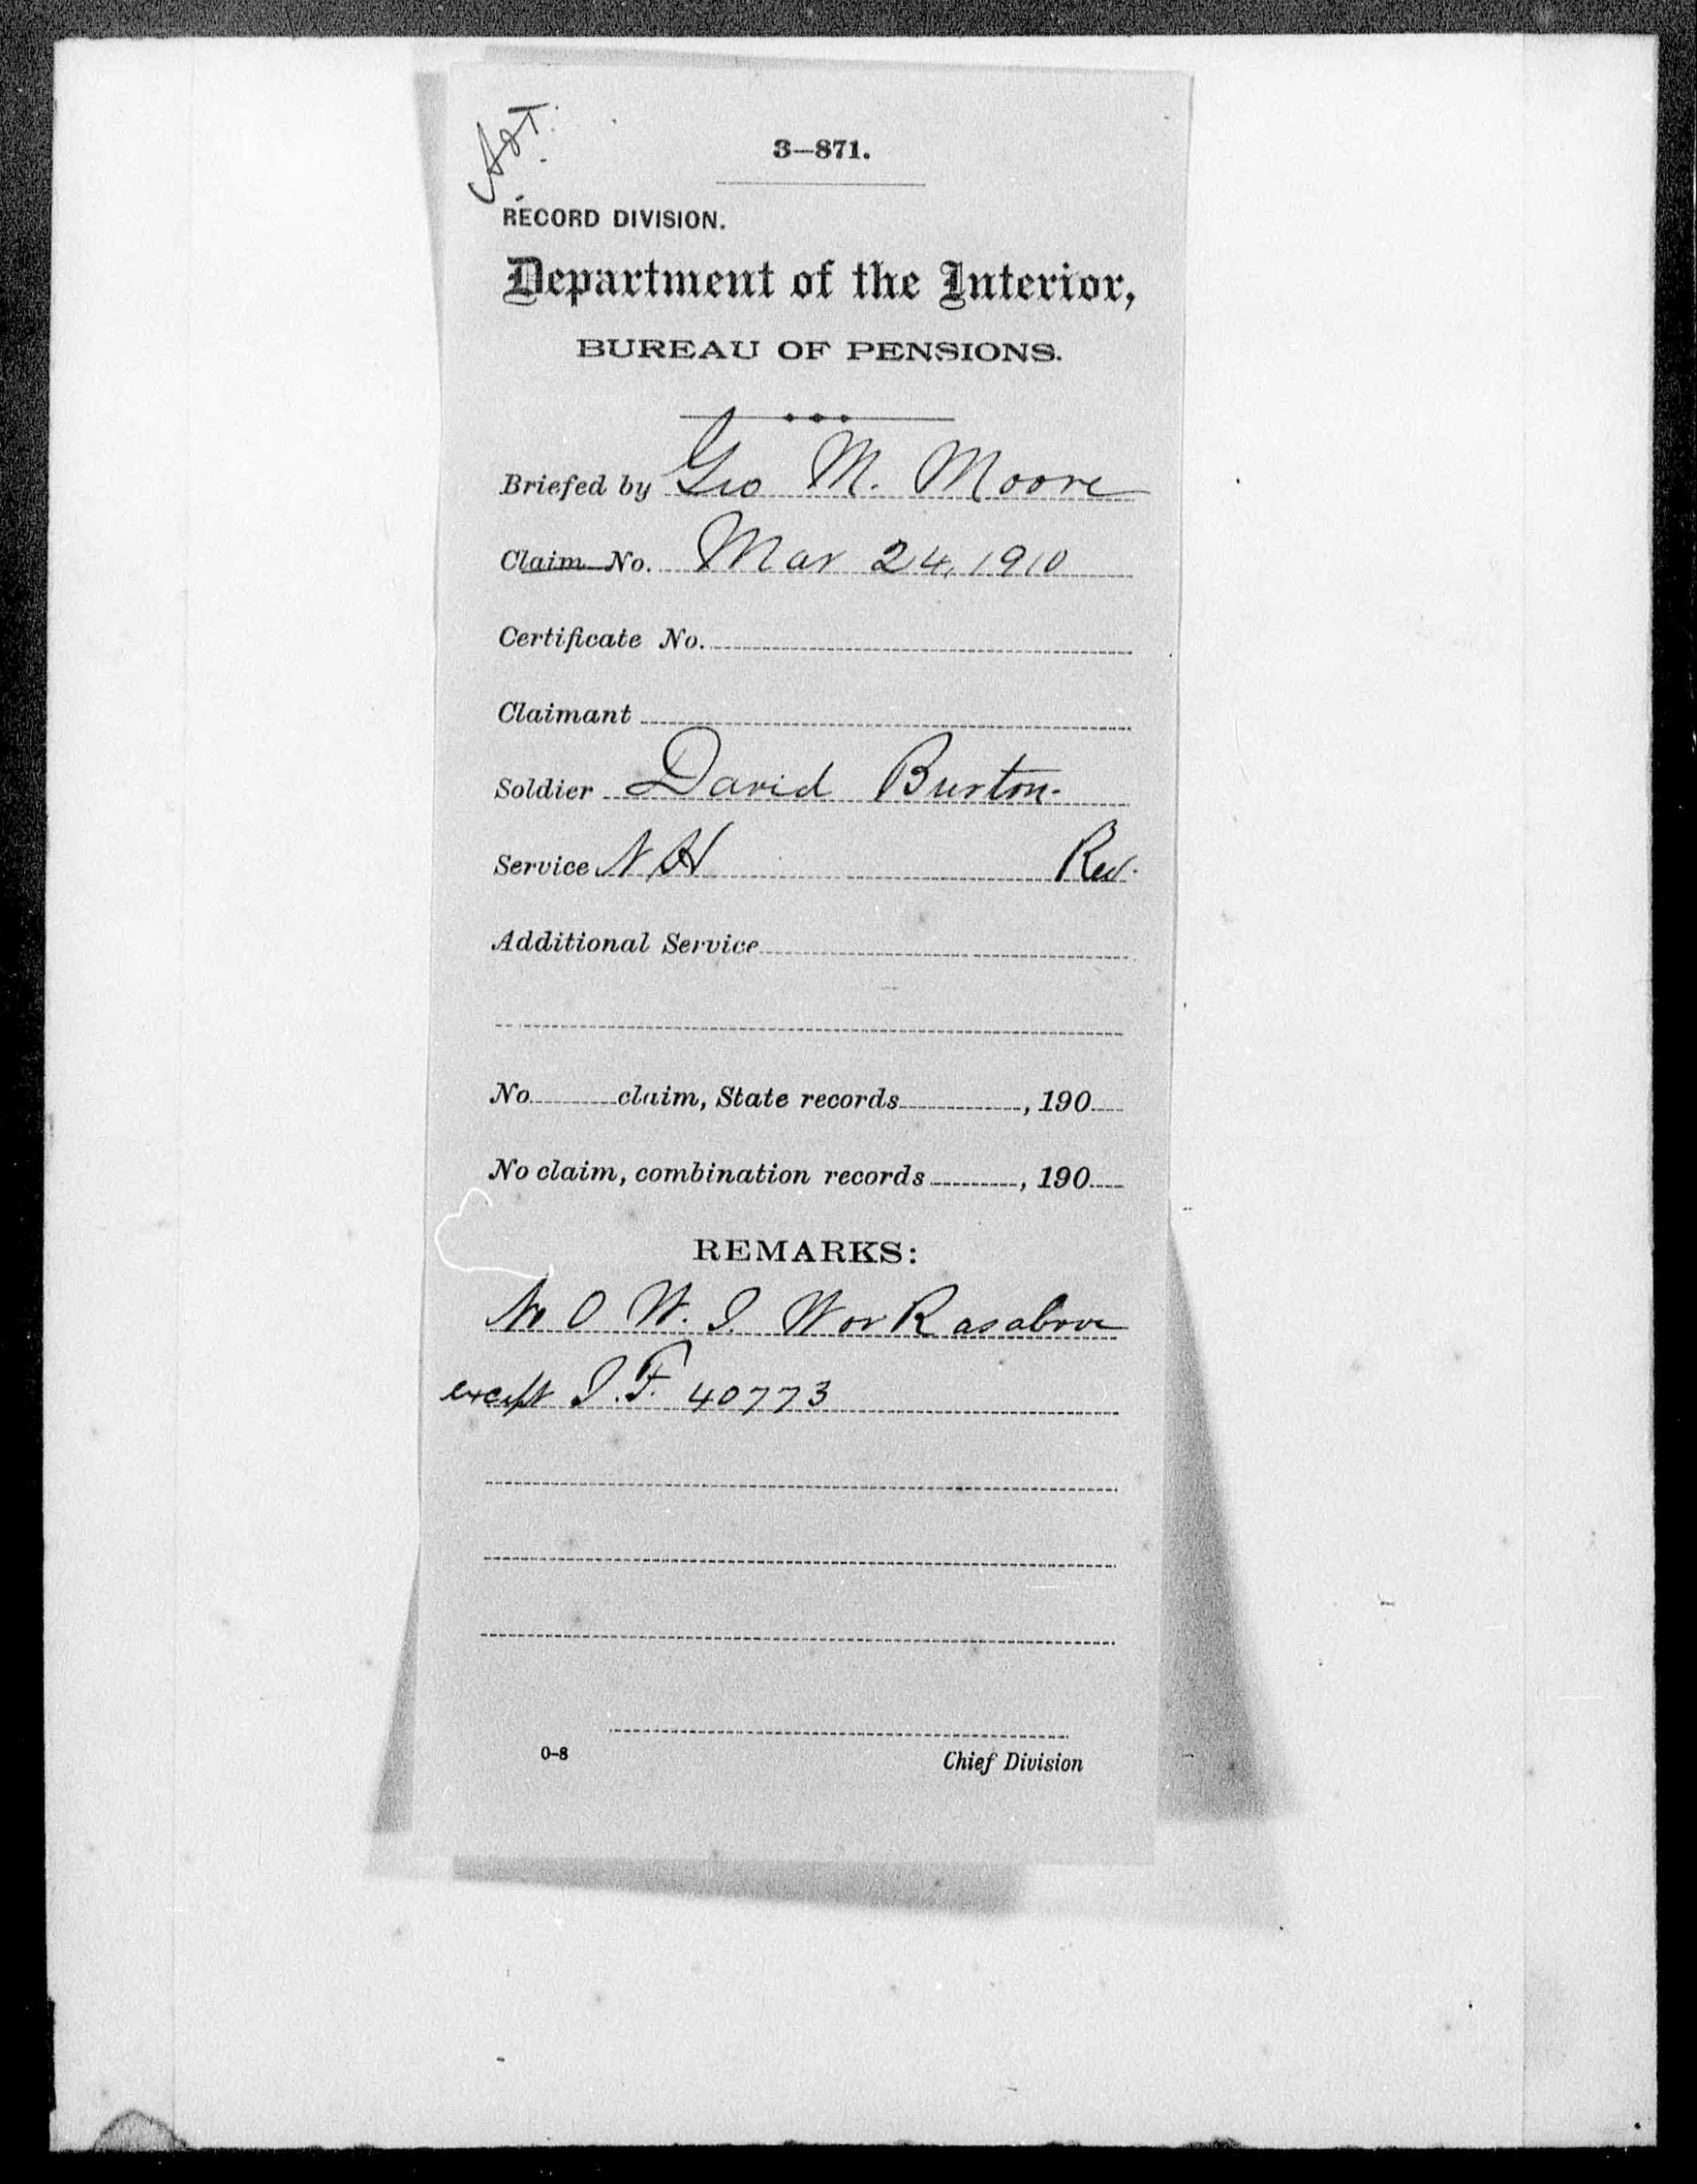AST
3 -- 871.
RECORD DIVISION.
Department of the Interior,
BUREAU OF PENSIONS.
Briefed by Geo M. Moore
Claim No. May 24, 1910
Certificate No. [blank]
Claimant [blank]
Soldier David Burton
Service N H....Rev
Additional Service [blank]
No... [blank] claim, State records ...[blank], 190[blank]
No claim, combination records...[blank], 190[blank]
REMARKS:  In O W.I. War R as above except I.F. 40773
Chief Divison...[blank]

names: Geo M Moore, David Burton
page: 17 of 18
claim: survivor's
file: S. 40773, David Burton, N.H.